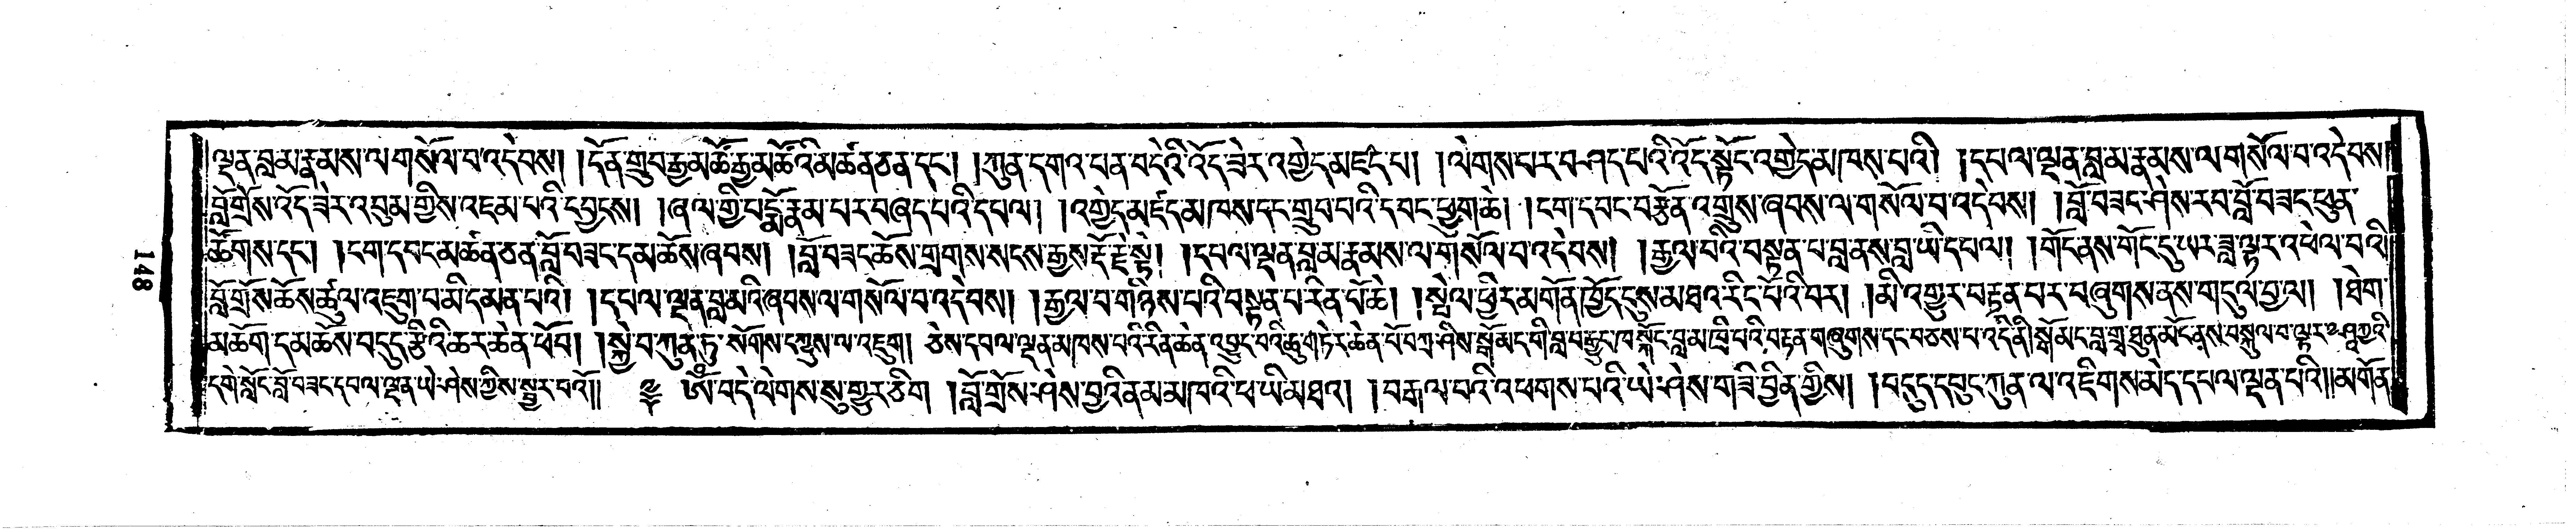ལྡན་བླ་མ་རྣམས་ལ་གསོལ་བ་འདེབས། །དོན་གྲུབ་རྒྱ་མཚོ་རྒྱ་མཚོའི་མཚན་ཅན་དང་། །ཀུན་དགའ་པན་བདེའི་འོད་ཟེར་འགྱེད་མཛད་པ། །ལེགས་པར་བཤད་པའི་འོད་སྟོང་འགྱེད་མཁས་པའི། །དཔལ་ལྡན་བླ་མ་རྣམས་ལ་གསོལ་བ་འདེབས།
བློ་གྲོས་འོད་ཟེར་འབུམ་གྱིས་འཇམ་པའི་དབྱངས། །ཞལ་གྱི་པདམོ་རྣམ་པར་བཞད་པའི་དཔལ། །འགྱེད་མཛད་མཁས་དང་གྲུབ་པའི་དབང་ཕྱུག་ཆེ། །ངག་དབང་བརྩོན་འགྲུས་ཞབས་ལ་གསོལ་བ་འདེབས། །བློ་བཟང་ཤེས་རབ་བློ་བཟང་ཕུན་
ཚོགས་དང་། །ངག་དབང་མཚན་ཅན་བློ་བཟང་དམ་ཆོས་ཞབས། །བློ་བཟང་ཆོས་གྲགས་སངས་རྒྱས་རྡོ་རྗེ་སྟེ། །དཔལ་ལྡན་བླ་མ་རྣམས་ལ་གསོལ་བ་འདེབས། །རྒྱལ་བའི་བསྟན་པ་བླ་ནས་བླ་ཡི་དཔལ། །གོང་ནས་གོང་དུ་ཡར་ཟླ་ལྟར་འཕེལ་བའི།
བློ་གྲོས་ཆོས་ཚུལ་འཇུག་བ་མི་དམན་པའི། །དཔལ་ལྡན་བླ་མའི་ཞབས་ལ་གསོལ་བ་འདེབས། །རྒྱལ་བ་གཉིས་པའི་བསྟན་པ་རིན་པོ་ཆེ། །སྤེལ་ཕྱིར་མགོན་ཁྱོད་དུས་མཐའ་རིང་པོའི་བར། །མི་འགྱུར་བརྟན་པར་བཞུགས་ནས་གདུལ་བྱ་ལ། །ཐེག་
མཆོག་དམ་ཆོས་བདུད་རྩིའི་ཆར་ཆེན་ཕོབ། །སྐྱེ་བ་ཀུན་ཏུ་སོགས་དཀྱུས་ལ་འཇུག། ཅེས་དཔལ་ལྡན་མཁས་པའི་རིན་ཆེན་འབྱུང་བའི་ཆུ་གཏེར་ཆེན་པོ་བཀྲ་ཤིས་སྒོ་མང་གི་བླ་བརྒྱུད་ཁ་སྐོང་བླ་མ་ཁྲི་བའི་བརྟན་གཞུགས་དང་བཅས་པ་འདི་ནི། སྒོ་མང་བླ་གྲྭ་ཐུན་མོང་ནས་བསྐུལ་བ་ལྟར་༧་ཤཱཀྱའི་
དགེ་སློང་བློ་བཟང་དཔལ་ལྡན་ཡེ་ཤེས་ཀྱིས་སྦྱར་བའོ།། ༈ ཨོཾ་བདེ་ལེགས་སུ་གྱུར་ཅིག །བློ་གྲོས་ཤེས་བྱའི་ནམ་མཁའི་ཕ་ཡི་མཐའ། །བརྒལ་བའི་འཕགས་པའི་ཡེ་ཤེས་གཟི་བྱིན་གྱིས། །བདུད་དབུང་ཀུན་ལ་འཇིགས་མེད་དཔལ་ལྡན་པའི། །མགོན་